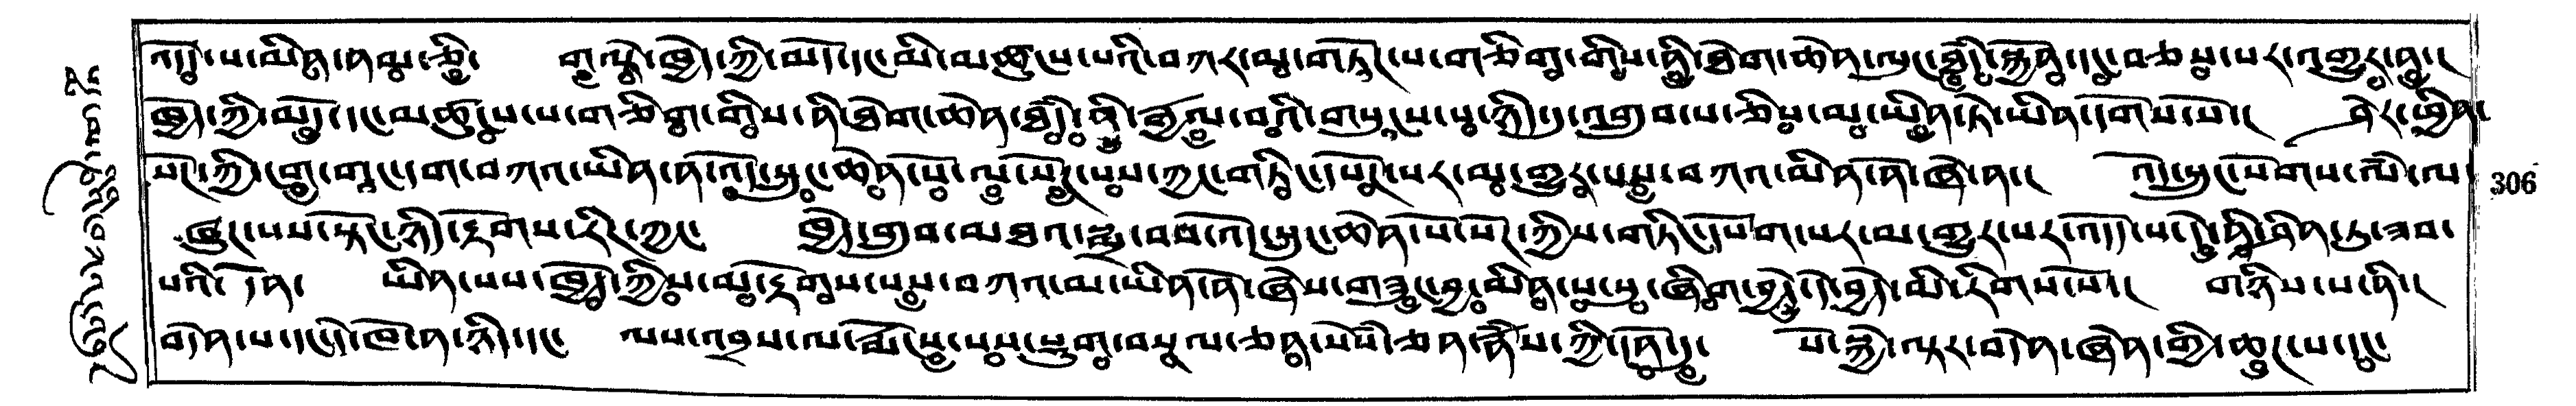འདོད་པ་མིན་ནམ་ཅི། གལ་ཏེ་ཁྱེད་ཀྱི་མདོ་དང་མི་མཚུངས་པའི་བཀར་མ་གཏོགས་པ་གཅིག་གིས་ནི་ཐེག་ཆེན་གྱི་ལུང་ཐམས་ཅད་སྐྱོན་དང་བཅས་པར་འགྱུར་ན། 
ཁྱོད་ཀྱི་མདོ་དང་མཚུངས་པ་གཅིག་གིས་ནི་ཐེག་ཆེན་ཐམས་ཅད་ནི་རྒྱལ་བའི་གསུངས་པ་ཉིད་དུ་འགྲུབ་པ་ཅིས་མ་ཡིན་ཏེ་ཡིན་དགོས་སོ། ཤེར་ཕྱིན་
སོགས་ཀྱི་ངག་གང་དག་བཀའ་ཡིན་ན་འོད་སྲུང་ཆེན་པོ་ལ་སོགས་པས་ཀྱང་གཏིང་དཔོགས་པར་མ་གྱུར་པས་བཀའ་མིན་ནོ་ཞེ་ན། འོད་སྲུང་སོགས་ལམ་ལ་
ཞུགས་པས་སྟོང་ཉིད་རྟོགས་རིགས་ཀྱང་། ཁྱེད་གྲུབ་མཐའ་སྨྲ་བས་འོད་སྲུང་ཆེན་པོ་སོགས་ཀྱིས་གཏིང་དཔོག་པར་མ་གྱུར་པར་འདོད་པ་དེ་ནི་ཤིན་ཏུ་ཟབ་
པའི་དོན་ཡིན་པས་ཁྱོད་ཀྱིས་མ་རྟོགས་པས་བཀའ་མ་ཡིན་ནོ་ཞེས་གཟུང་བྱ་མིན་པ་སུ་ཞིག་བྱེད་དེ་བྱེད་མི་རིགས་སོ། གཉིས་པ་ནི། 
བདེན་པ་དང་དེ་ཁོ་ན་ཉིད་དང་། ལས་འབྲས་ལ་རྨོངས་པས་སྡུག་བསྔལ་ཅན་སེམས་ཅན་རྣམས་ཀྱི་དོན་དུ། སོ་སྐྱེ་ལྟར་བདེན་ཞེན་གྱི་ཆགས་པ་དང་།